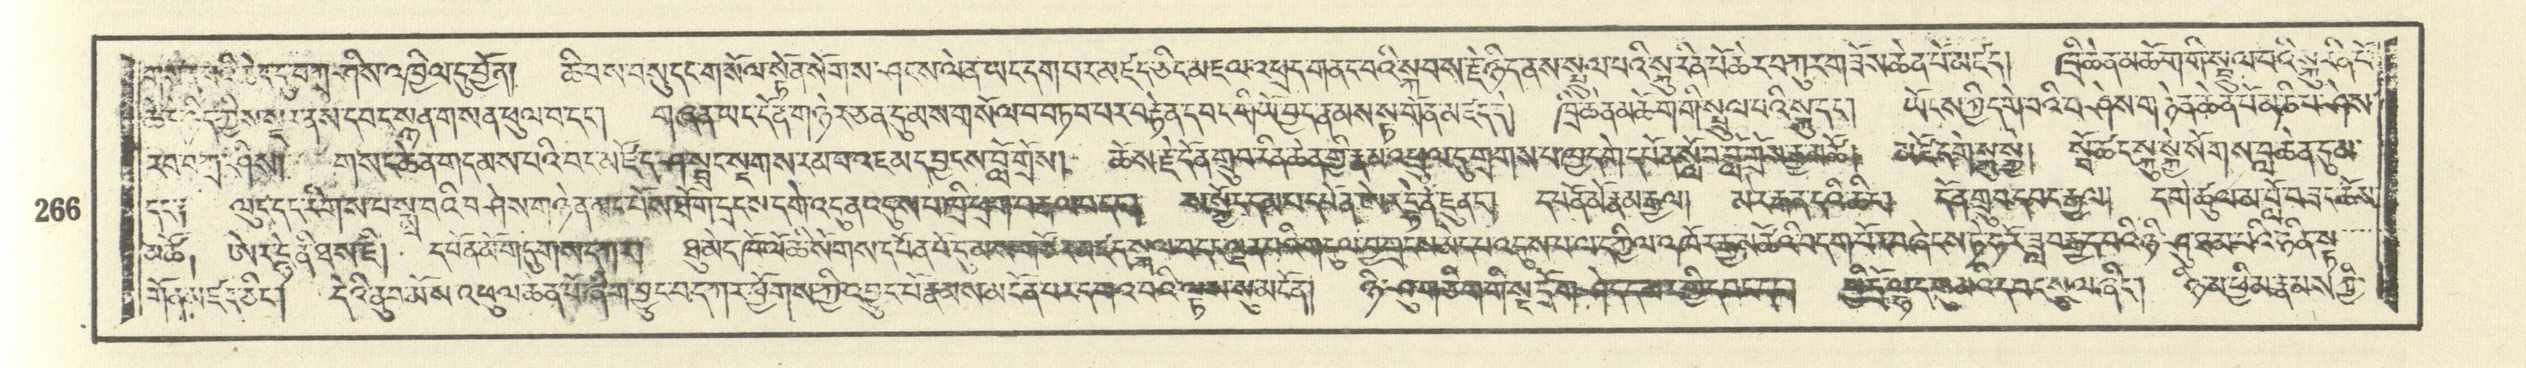གསན་པའི་ཆེད་དུ་བཀྲ་ཤིས་འཁྱིལ་དུ་བྱོན། ཆིབས་བསུ་དང་གསོལ་སྟོན་སོགས་ཤངས་ལེན་ཡང་དག་པར་མཛད་ཅིང་མཇལ་འཕྲད་གནང་བའི་སྐབས་རྗེ་ཉིད་ནས་སྤྲུལ་པའི་སྐུ་རིན་པོ་ཆེར་བཀུར་གཟོས་ཆེན་པོ་མཛད། ཁྲི་ཆེན་མཆོག་གི་སྤྲུལ་པའི་སྐུ་རིན་པོ་
ཆེ་དེ་ཉིད་ཀྱིས་སྔར་ནས་དབང་སྙན་གསན་ཕུལ་བ་དང་། གཞན་ཡང་དོན་གཉེར་ཅན་དུ་མས་གསོལ་བ་བཏབ་པར་བརྟེན་དབང་གི་ཡོ་བྱད་རྣམས་སྟ་གོན་མཛད་དེ། ཁྲི་ཆེན་མཆོག་གི་སྤྲུལ་པའི་སྐུ་དང་། ཡོངས་ཀྱི་དགེ་བའི་བཤེས་གཉེན་ཆེན་པོ་མ་ཎི་པ་ཤེས་
རབ་བཀྲ་ཤིས། གསང་ཆེན་གདམས་པའི་བང་མཛོད་ཤ་སྦྲང་སྔགས་རམ་པ་འཇམ་དབྱངས་བློ་གྲོས། ཆོས་རྗེ་དོན་གྲུབ་རིན་ཆེན་གྱི་རྣམ་འཕྲུལ་དུ་གྲགས་པ་ཁྱ་དགེ་དཔོན་སློབ་བློ་གྲོས་རྒྱ་མཚོ། མཛོ་དགེ་སྐུ་སྐྱེ། སྤོ་ཚང་སྐུ་སྐྱེ་སོགས་བླ་ཆེན་དུ་མ་
དང༑ ལུང་དང་རིགས་པ་སྨྲ་བའི་བཤེས་གཉེན་མང་པོས་ཐོག་དྲངས་དགེ་འདུན་འདུས་པ་ཁྲི་ཕྲག་བརྒལ་བ་དང་། ས་སྐྱོང་དམ་པ་དཔོན་ཨེར་དྷེ་ནེ་ཇུ་ནང་། དཔོན་མོ་རྣམ་རྒྱལ། མེར་རྒན་དའི་ཆིང་། དོན་གྲུབ་དབང་རྒྱལ། དགེ་ཚུལ་མ་བློ་བཟང་ཆོས་
མཚོ། ཨེར་དྷེ་ནི་ཐས་ཇི། དཔོན་མོ་གདུགས་དཀར། ཐུ་མེད་ཁོ་ལོ་ཆི་སོགས་དཔོན་པོ་དུ་མས་གཙོར་མཛད་སྐལ་བ་དང་ལྡན་པའི་གདུལ་བྱ་གྲངས་མེད་པ་འདུས་པ་ལ་དཀྱིལ་འཁོར་རྒྱ་མཚོའི་བདག་པོར་བཞེངས་ཏེ་ཧོར་ཟླ་བརྒྱད་པའི་ཉི་ཤུ་ཐམ་པའི་ཉིན་སྟ་
གོན་མཛད་ཅིང་། དེའི་ནུབ་མོས་འགུལ་ཆེན་པོ་ཞིག་བྱུང་བ་དཀར་ཕྱོགས་ཀྱི་འབྱུང་པོ་རྣམས་མངོན་པར་དགའ་བའི་ལྟས་སུ་མངོན། ཉི་ཤུ་གཅིག་གི་སྔ་དྲོ་གཤེད་དམར་གྱི་དབང་དང་། ཕྱི་དྲོ་ལྷ་དགུ་མའི་དབང་སྩལ་ཞིང་། ཉི་མ་ཕྱི་མ་རྣམས་ཀྱི་